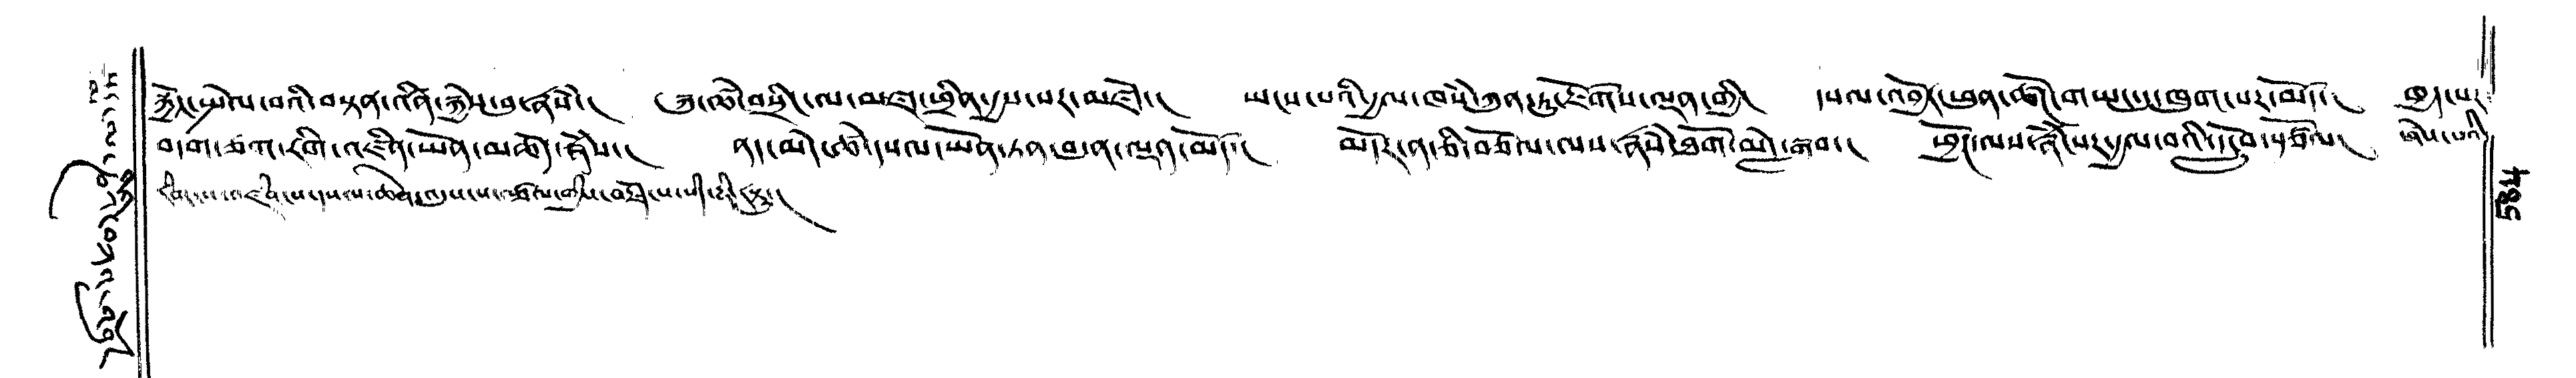སྐྱོང་སྤེལ་བའི་བསྟན་འཛིན་སྐྱེས་བུ་རྣམས། །སྐུ་ཚེ་བསྲིངས་ལ་མཛད་ཕྲིན་རྒྱས་པར་མཛོད། །ཡངས་པའི་རྒྱལ་ཁམས་ཀུན་ཏུ་རྫོགས་ལྡན་གྱི། །དཔལ་འབྱོར་ཕུན་ཚོགས་གཡང་དུ་ཁུགས་པར་མཛོད། ཁྱད་པར་
བདག་ཅག་རིག་འཛིན་ཡོན་མཆོད་རྣམས། །ནད་མེད་ཚེ་དཔལ་ཡོན་ཏན་བདུན་ལྡན་མཛོད། །མདོར་ན་ཅི་བཅོལ་ལས་རྣམས་ཐོགས་མེད་སྒྲུབས། ཕྱོགས་ལས་རྣམ་པར་རྒྱལ་བའི་དངོས་གྲུབ་སྩོལ། ཞེས་པ་
རིག་པ་འཛིན་པ་དཔལ་ཆེན་འདུས་པ་རྩལ་གྱིས་བརྗོད་པ་སིདྡྷི་རསྟུ།།